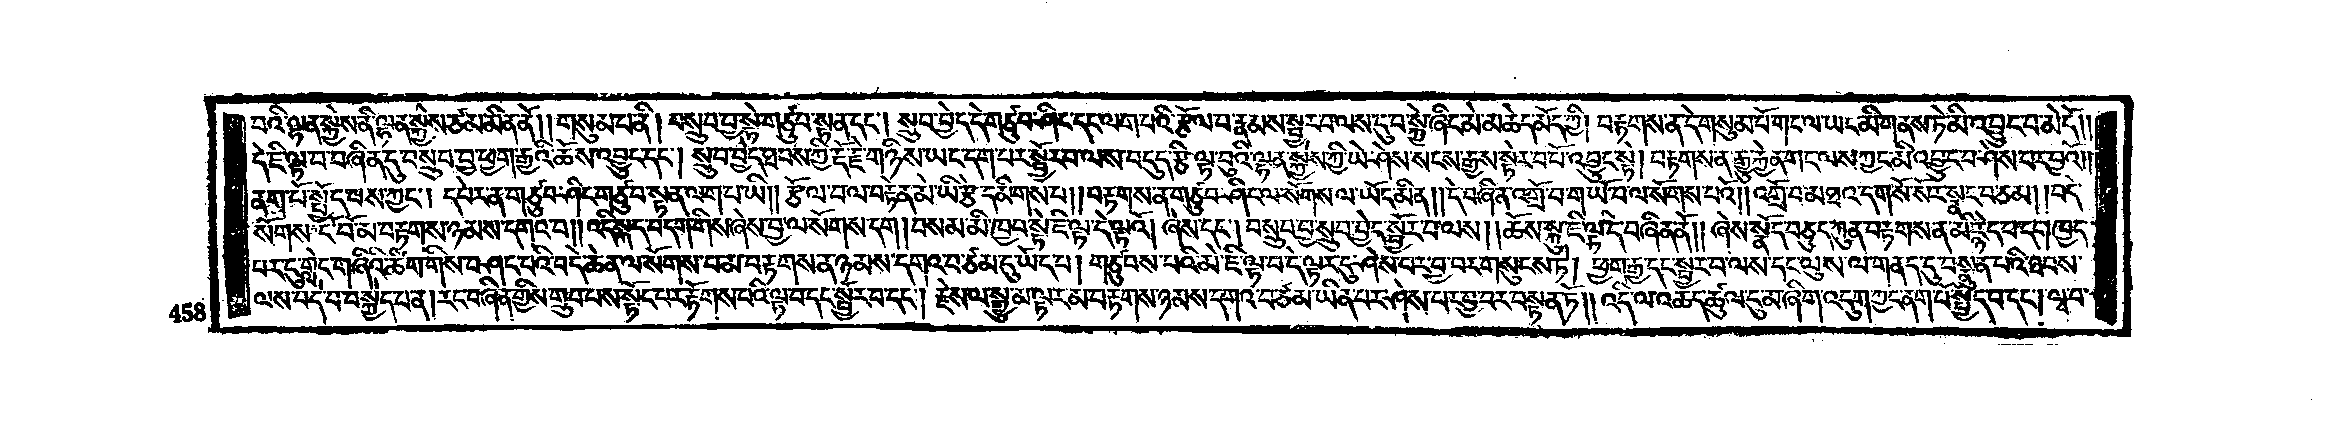བའི་ལྷན་སྐྱེས་ནི་ལྷན་སྐྱེས་ཙམ་མིན་ནོ། །གསུམ་པ་ནི། བསྲུབ་བྱ་སྟེ་གཙུབ་སྟན་དང་། སྲུབ་བྱེད་དེ་གཙུབ་ཤིང་དང་ལག་པའི་རྩོལ་བ་རྣམས་སྦྱར་བ་ལས་དུ་བ་སྐྱེ་ཞིང་མེ་མཆེད་མོད་ཀྱི། བརྟགས་ན་དེ་གསུམ་པོ་གང་ལ་ཡང་མི་གནས་ཏེ་མེ་འབྱུང་བ་མེད་དོ། །
དེ་ཇི་ལྟ་བ་བཞིན་དུ་བསྲུབ་བྱ་ཕྱག་རྒྱའི་ཆོས་འབྱུང་དང་། སྲུབ་བྱེད་ཐབས་ཀྱི་རྡོ་རྗེ་གཉིས་ཡང་དག་པར་སྦྱོར་བ་ལས་བདུད་རྩི་ལྟ་བུའི་ལྷན་སྐྱེས་ཀྱི་ཡེ་ཤེས་སངས་རྒྱས་སྟེར་བ་པོ་འབྱུང་སྟེ། བརྟགས་ན་རྒྱུ་རྐྱེན་གང་ལས་ཀྱང་མི་འབྱུང་བ་ཤེས་པར་བྱའོ། །
ནག་པོ་སྤྱོད་པས་ཀྱང་། དཔེར་ན་གཙུབ་ཤིང་གཙུབ་སྟན་ལག་པ་ཡི། །རྩོལ་བ་ལ་བརྟེན་མེ་ཡི་རྩེ་དམིགས་པ། །བརྟགས་ན་གཙུབ་ཤིང་ལ་སོགས་ལ་ཡོད་མིན། །དེ་བཞིན་འགྲོ་བ་གཡོ་བ་ལ་སོགས་པའོ། །འགྲོ་བ་མཐའ་དག་སོ་སོར་སྣང་བ་ཙམ། །བདེ་
སོགས་ངོ་བོ་མ་བརྟགས་ཉམས་དགའ་བ། །འདི་སྐད་བདག་གིས་ཞེས་བྱ་ལ་སོགས་དག །བསམ་མི་ཁྱབ་སྟེ་ཇི་ལྟ་དེ་ལྟའོ། ཞེས་དང་། བསྲུབ་བྱ་སྲུབ་བྱེད་སྦྱོར་བ་ལས། །ཆོས་སྐུ་ཇི་ལྟ་དེ་བཞིན་ནོ། །ཞེས་སྣོད་བཅུད་ཀུན་བརྟགས་ན་མི་རྙེད་པ་དང་། ཁྱད་
པར་དུ་གླེང་གཞིའི་ཚིག་གིས་བཤད་པའི་བདེ་ཆེན་ལ་སོགས་པ་མ་བརྟགས་ན་ཉམས་དགའ་བ་ཙམ་དུ་ཡོད་པ། གཙུབས་པའི་མེ་ཇི་ལྟ་བ་དེ་ལྟར་དུ་ཤེས་པར་བྱ་བར་གསུངས་ཏེ། ཕྱག་རྒྱ་དང་སྦྱར་བ་ལས་དང་ལུས་ལ་གནད་དུ་བསྣུན་པའི་ཐབས་
ལས་བདེ་བ་བསྐྱེད་པ་ན། རང་བཞིན་གྱིས་གྲུབ་པས་སྟོང་པར་རྟོགས་པའི་ལྟ་བ་དང་སྦྱོར་བ་དང་། རྗེས་ལ་སྒྱུ་མ་ལྟར་མ་བརྟགས་ཉམས་དགའ་བ་ཙམ་ཡིན་པར་ཤེས་པར་བྱ་བར་བསྟན་ཏོ། །འདི་ལ་འཆད་ཚུལ་དུ་མ་ཞིག་འདུག་ཀྱང་ནག་པོ་སྤྱོད་པ་དང་། ལྭ་བ་